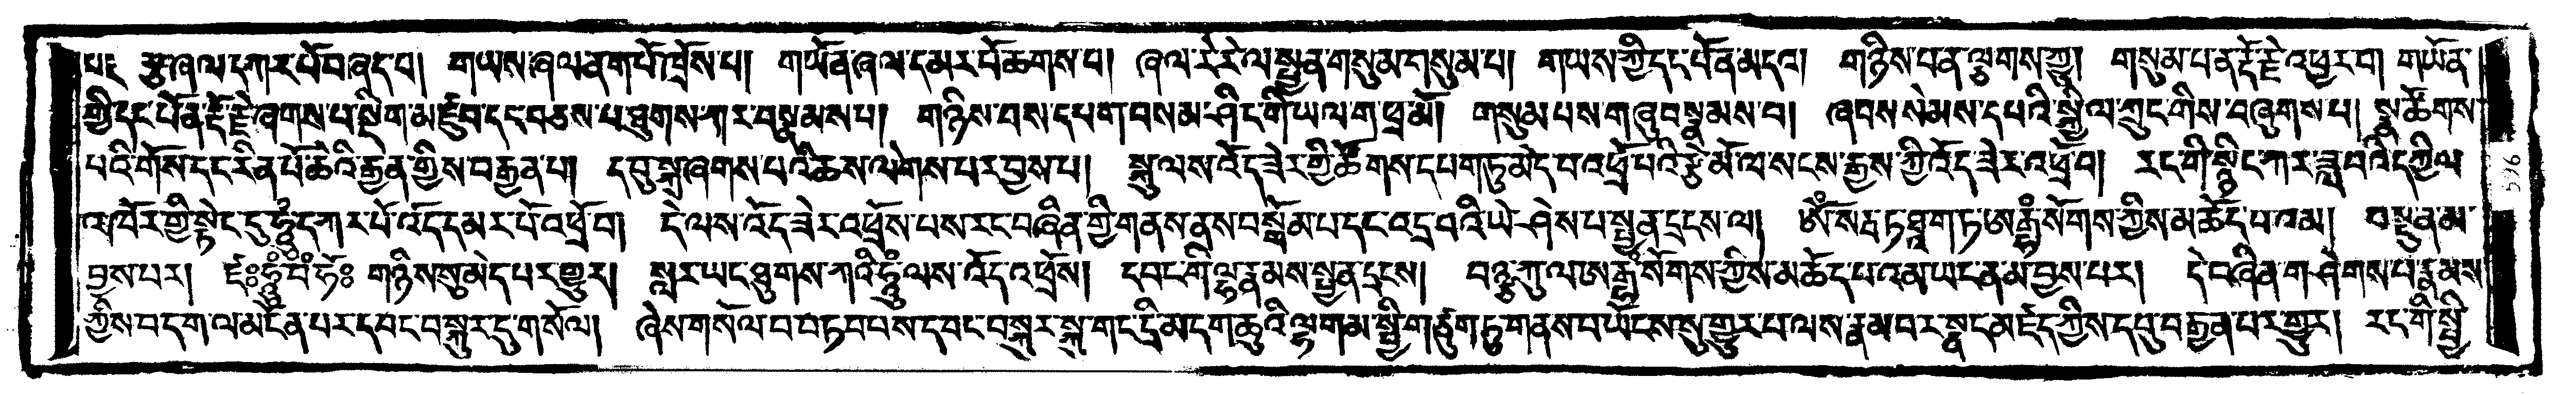པ༑ རྩ་ཞལ་དཀར་པོ་བཞད་བ། གཡས་ཞལ་ནག་པོ་ཁྲོས་པ། གཡོན་ཞལ་དམར་པོ་ཆགས་པ། ཞལ་རེ་རེ་ལ་སྤྱན་གསུམ་གསུམ་པ། གཡས་ཀྱི་དང་པོ་ན་མདའ། གཉིས་པ་ན་ལྕགས་ཀྱུ། གསུམ་པ་ན་རྡོ་རྗེ་འཕྱར་བ། གཡོན་
གྱི་དང་པོ་ན་རྡོ་རྗེ་ཞགས་པ་སྡིག་མཛུབ་དང་བཅས་པ་ཐུགས་ཀར་བསྣམས་པ། གཉིས་པས་དཔག་བསམ་ཤིང་གི་ཡལ་ག་ཕྲ་མོ། གསུམ་པས་གཞུབ་སྣམས་པ། ཞབས་སེམས་དཔའི་སྐྱིལ་ཀྲུང་གིས་བཞུགས་པ། སྣ་ཚོགས་
པའི་གོས་དང་རིན་པོ་ཆེའི་རྒྱན་གྱིས་བརྒྱན་པ། དབུ་སྐྲ་ཞགས་པའི་ཆས་ལེགས་པར་བྱས་པ། སྐུ་ལས་འོད་ཟེར་གྱི་ཚོགས་དཔག་ཏུ་མེད་པ་འཕྲོ་པའི་རྩེ་མོ་ལ་སངས་རྒྱས་ཀྱི་འོད་ཟེར་འཕྲོ་བ། རང་གི་སྙིང་ཀར་ཟླ་བའི་དཀྱིལ་
འཁོར་གྱི་སྟེང་དུ་ཧཱུཾ་དཀར་པོ་འོད་དམར་པོ་འཕྲོ་བ། དེ་ལས་འོད་ཟེར་འཕྲོས་པས་རང་བཞིན་གྱི་གནས་ནས་བསྒོམ་པ་དང་འདྲ་བའི་ཡེ་ཤེས་པ་སྤྱན་དྲངས་ལ། ཨོཾ་སརྦ་ཏ་ཐཱ་ག་ཏ་ཨརྒྷཾ་སོགས་ཀྱིས་མཆོད་པའམ། བསྡུ་ན་མ་
བྱས་པར། ཛཿ ཧཱུཾ་བཾ་ཧོཿ གཉིས་སུ་མེད་པར་གྱུར། སླར་ཡང་ཐུགས་ཀའི་ཧཱུཾ་ལས་འོད་འཕྲོས། དབང་གི་ལྷ་རྣམས་སྤྱན་དྲངས། བཉྩ་ཀུ་ལ་ཨརྒྷཾ་སོགས་ཀྱིས་མཆོད་པ་འམ་ཡང་ན་མ་བྱས་པར། དེ་བཞིན་གཤེགས་པ་རྣམས་
ཀྱིས་བདག་ལ་མངོན་པར་དབང་བསྐུར་དུ་གསོལ། ཞེས་གསོལ་བ་བཏབ་པས་དབང་བསྐུར་སྐུ་གང་དྲི་མ་དག་ཆུའི་ལྷག་མ་སྤྱི་གཙུག་ཏུ་གནས་པ་ཡོངས་སུ་གྱུར་པ་ལས་རྣམ་བར་སྣང་མཛད་ཀྱིས་དབུ་བརྒྱན་པར་གྱུར། རང་གི་སྤྱི་